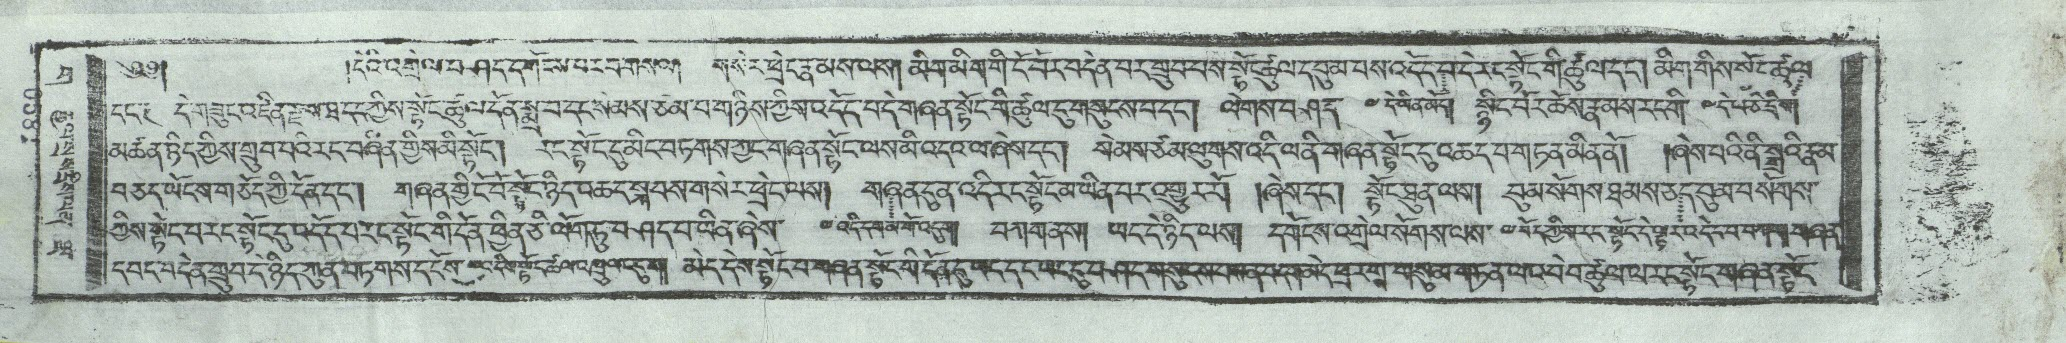༄༅། །དེའི་འགྲེལ་བཤད་དགོངས་པ་རབ་གསལ། གསེར་ཕྲེང་རྣམས་ལས། མིག་མིག་གི་ངོ་བོར་བདེན་པར་གྲུབ་པས་སྟོང་ཚུལ་དབུམ་པས་འདོད་པ་དེ་རང་སྟོང་གི་ཚུལ་དང་། མིག་གིས་སྟོང་ཚུལ་
དང༑ དེ་གཟུང་འཛིན་རྫས་ཐ་དད་ཀྱིས་སྟོང་ཚུལ་དོན་སྨྲ་བ་དང་སེམས་ཙམ་པ་གཉིས་ཀྱིས་འདོད་པ་དེ་གཞན་སྟོང་གི་ཚུལ་དུ་གསུངས་པ་དང་། ལེགས་བཤད་༧དེ་ཡིན་མོད།  སྙིང་པོར་ཆོས་རྣམས་རང་གི་༧དེ་པ་ཙི་བྲིས།
མཚན་ཉིད་ཀྱིས་གྲུབ་པའི་རང་བཞིན་གྱིས་མི་སྟོང་། རང་སྟོང་དུ་མིང་བཏགས་ཀྱང་གཞན་སྟོང་ལས་མི་འདའ་ལ་ཞེས་དང་། སེམས་ཙམ་ལུགས་འདི་ལ་ནི་གཞན་སྟོང་དུ་འཆད་པ་གཏན་མིན་ནོ། །ཞེས་པའི་ནི་སྒྲའི་རྣམ་
བཅད་ལོངས་གཅོད་ཀྱི་དོན་དང་། གཞན་གྱི་ངོ་བོ་སྟོང་ཉིད་འཆད་སྐབས་གསེར་ཕྲེང་ལས། གཞན་དུ་ན་འདི་རང་སྟོང་མ་ཡིན་པར་འགྱུར་རོ། །ཞེས་དང་། སྟོང་ཐུན་ལས། བུམ་སོགས་ཐམས་ཅད་བུམ་པ་སོགས་
ཀྱིས་སྟེང་བ་རང་སྟོང་དུ་འདོད་པ་རང་སྟོང་གི་དོན་ཕྱིན་ཅི་ལོག་ཏུ་བཤད་པ་ཡིན་ཞེས་༧འདི་དག་མ་གོ་འདུག།  བཀག་ནས། ཡང་དེ་ཉིད་ལས། དགོངས་འགྲེལ་སོགས་ལས་༧བོད་ཀྱིས་རང་སྟོང་དེ་ལྟར་འདེང་བ་བཀག།  གཞན་
དབང་བདེན་གྲུབ་དེ་ཉིད་ཀུན་བཏགས་དངོས་༧འདིས་སྟོང་ཚལ་འཁྲུལ་འདུག།  མེད་དེས་སྟོང་པ་གཞན་སྟོང་གི་ཡང་དང་ཡང་དུ་བཤད་གསུངས་པས་ན་བདག་མེད་ཕྲ་རགས་གསུམ་གཏན་ལ་འབེབ་ཚུལ་ལ་རང་སྟོང་གཞན་སྟོང་